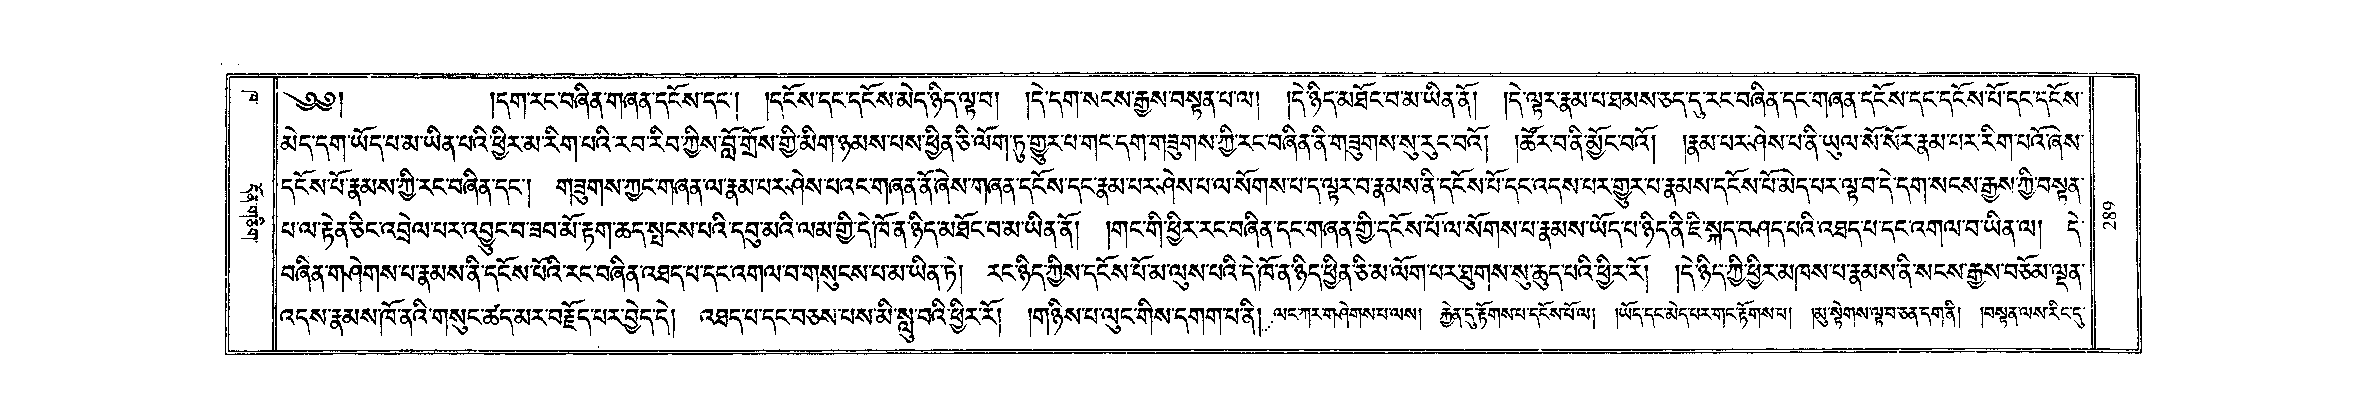༄༅། །དག་རང་བཞིན་གཞན་དངོས་དང་། །དངོས་དང་དངོས་མེད་ཉིད་ལྟ་བ། །དེ་དག་སངས་རྒྱས་བསྟན་པ་ལ། །དེ་ཉིད་མཐོང་བ་མ་ཡིན་ནོ། །དེ་ལྟར་རྣམ་པ་ཐམས་ཅད་དུ་རང་བཞིན་དང་གཞན་དངོས་དང་དངོས་པོ་དང་དངོས་
མེད་དག་ཡོད་པ་མ་ཡིན་པའི་ཕྱིར་མ་རིག་པའི་རབ་རིབ་ཀྱིས་བློ་གྲོས་གྱི་མིག་ཉམས་པས་ཕྱིན་ཅི་ལོག་ཏུ་གྱུར་པ་གང་དག་གཟུགས་ཀྱི་རང་བཞིན་ནི་གཟུགས་སུ་རུང་བའོ། །ཚོར་བ་ནི་མྱོང་བའོ། །རྣམ་པར་ཤེས་པ་ནི་ཡུལ་སོ་སོར་རྣམ་པར་རིག་པའོ་ཞེས་
དངོས་པོ་རྣམས་ཀྱི་རང་བཞིན་དང་། གཟུགས་ཀྱང་གཞན་ལ་རྣམ་པར་ཤེས་པའང་གཞན་ནོ་ཞེས་གཞན་དངོས་དང་རྣམ་པར་ཤེས་པ་ལ་སོགས་པ་ད་ལྟར་བ་རྣམས་ནི་དངོས་པོ་དང་འདས་པར་གྱུར་པ་རྣམས་དངོས་པོ་མེད་པར་ལྟ་བ་དེ་དག་སངས་རྒྱས་ཀྱི་བསྟན་
པ་ལ་རྟེན་ཅིང་འབྲེལ་པར་འབྱུང་བ་ཟབ་མོ་རྟག་ཆད་སྤངས་པའི་དབུ་མའི་ལམ་གྱི་དེ་ཁོ་ན་ཉིད་མཐོང་བ་མ་ཡིན་ནོ། །གང་གི་ཕྱིར་རང་བཞིན་དང་གཞན་གྱི་དངོས་པོ་ལ་སོགས་པ་རྣམས་ཡོད་པ་ཉིད་ནི་ཇི་སྐད་བཤད་པའི་འཐད་པ་དང་འགལ་བ་ཡིན་ལ། དེ་
བཞིན་གཤེགས་པ་རྣམས་ནི་དངོས་པོའི་རང་བཞིན་འཐད་པ་དང་འགལ་བ་གསུངས་པ་མ་ཡིན་ཏེ། རང་ཉིད་ཀྱིས་དངོས་པོ་མ་ལུས་པའི་དེ་ཁོ་ན་ཉིད་ཕྱིན་ཅི་མ་ལོག་པར་ཐུགས་སུ་ཆུད་པའི་ཕྱིར་རོ། །དེ་ཉིད་ཀྱི་ཕྱིར་མཁས་པ་རྣམས་ནི་སངས་རྒྱས་བཅོམ་ལྡན་
འདས་རྣམས་ཁོ་ནའི་གསུང་ཚད་མར་བརྗོད་པར་བྱེད་དེ། འཐད་པ་དང་བཅས་པས་མི་སླུ་བའི་ཕྱིར་རོ། །གཉིས་པ་ལུང་གིས་དགག་པ་ནི། ལང་ཀར་གཤེགས་པ་ལས། རྐྱེན་དུ་རྟོགས་པ་དངོས་པོ་ལ། །ཡོད་དང་མེད་པར་གང་རྟོགས་པ། །མུ་སྟེགས་ལྟ་བ་ཅན་དག་ནི། །བསྟན་ལས་རིང་དུ་